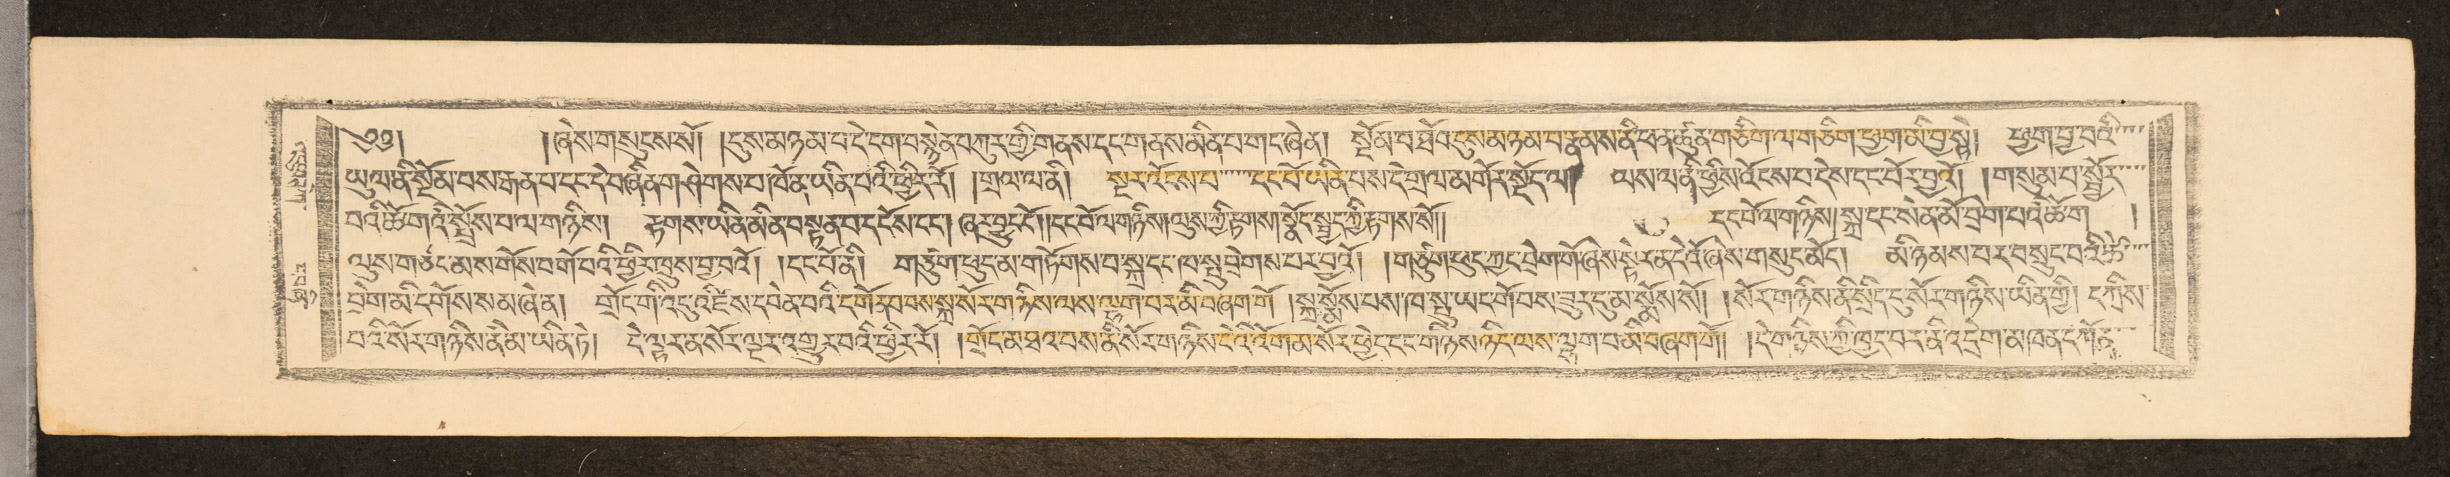༄༅། །ཞེས་གསུངས་སོ། །དུས་མཉམ་པ་དེ་དག་བསྙེན་བཀུར་གྱི་གནས་དང་གནས་མིན་པ་གང་ཞེ་ན། སྡོམ་པ་ཐོབ་དུས་མཉམ་པ་རྣམས་ནི་ཕན་ཚུན་གཅིག་ལ་གཅིག་ཕྱག་མི་བྱ་སྟེ། ཕྱག་བྱ་བའི་
ཡུལ་ནི་སྡོམ་པས་རྒན་པ་དང་དེ་བཞིན་གཤེགས་པ་ཁོ་ན་ཡིན་པའི་ཕྱིར་རོ། །གྲལ་ལ་ནི། སྔར་འོངས་པ་དང་པོ་ཡིན་པས་དེ་གྲལ་མགོར་སྡོད་ལ། ལས་ལ་ནི་ཕྱིས་འོངས་པ་དེས་དང་པོར་བྱའོ། །གསུམ་པ་སྦྱོར་
བའི་ཆོ་གའི་སྤྲོས་པ་ལ་གཉིས། རྟགས་ཡིན་མིན་བསྟན་པ་དངོས་དང་། ཞར་བྱུང་ངོ། །དང་པོ་ལ་གཉིས། ལུས་ཀྱི་རྟགས། སྣོད་སྤྱད་ཀྱི་རྟགས་སོ། དང་པོ་ལ་གཉིས། སྐྲ་དང་སེན་མོ་བྲེག་པའི་ཆོ་ག །
ལུས་གཅང་མས་གོས་བགོ་བའི་ཕྱིར་ཁྲུས་བྱ་བའོ། །དང་པོ་ནི། གཙུག་ཕུད་མ་གཏོགས་པ་སྐྲ་དང་ཁ་སྤུ་བྲེགས་པར་བྱའོ། །གཙུག་ཕུད་ཀྱང་བྲེག་གོ་ཞེས་སྟེར་ན་དེའོ་ཞེས་གསུང་མོད། མི་ཉམས་པར་བསྲུང་བའི་ཚེ་
བྲེག་མི་དགོས་སམ་ཞེ་ན། གྲོང་གི་འདུ་འཛིས་དབེན་པའི་དགོན་པ་པས་སྐྲ་སོར་གཉིས་ལས་ལྷག་པར་མི་བཞག་གོ །སྐྲ་སྨོས་པས་ཁ་སྤུ་ཡང་གོབས་ཟུར་དུ་མ་སྨོས་སོ། །སོར་གཉིས་ནི་སྲིད་དུ་སོར་གཉིས་ཡིན་གྱི། དཀྲིས་
པའི་སོར་གཉིས་ནི་མ་ཡིན་ཏེ། དེ་ལྟར་ན་སོར་ལྔར་འགྱུར་བའི་ཕྱིར་རོ། །གྲོང་མཐའ་པས་ནི་སོར་གཉིས་དེའི་འོག་མ་སོར་ཕྱེད་དང་གཉིས་ཉིད་ལས་ལྷག་པ་མི་བཞག་གོ། །དེ་གཉིས་ཀྱི་ཁྱད་པར་ནི་འདྲེག་མཁན་དཀོན་